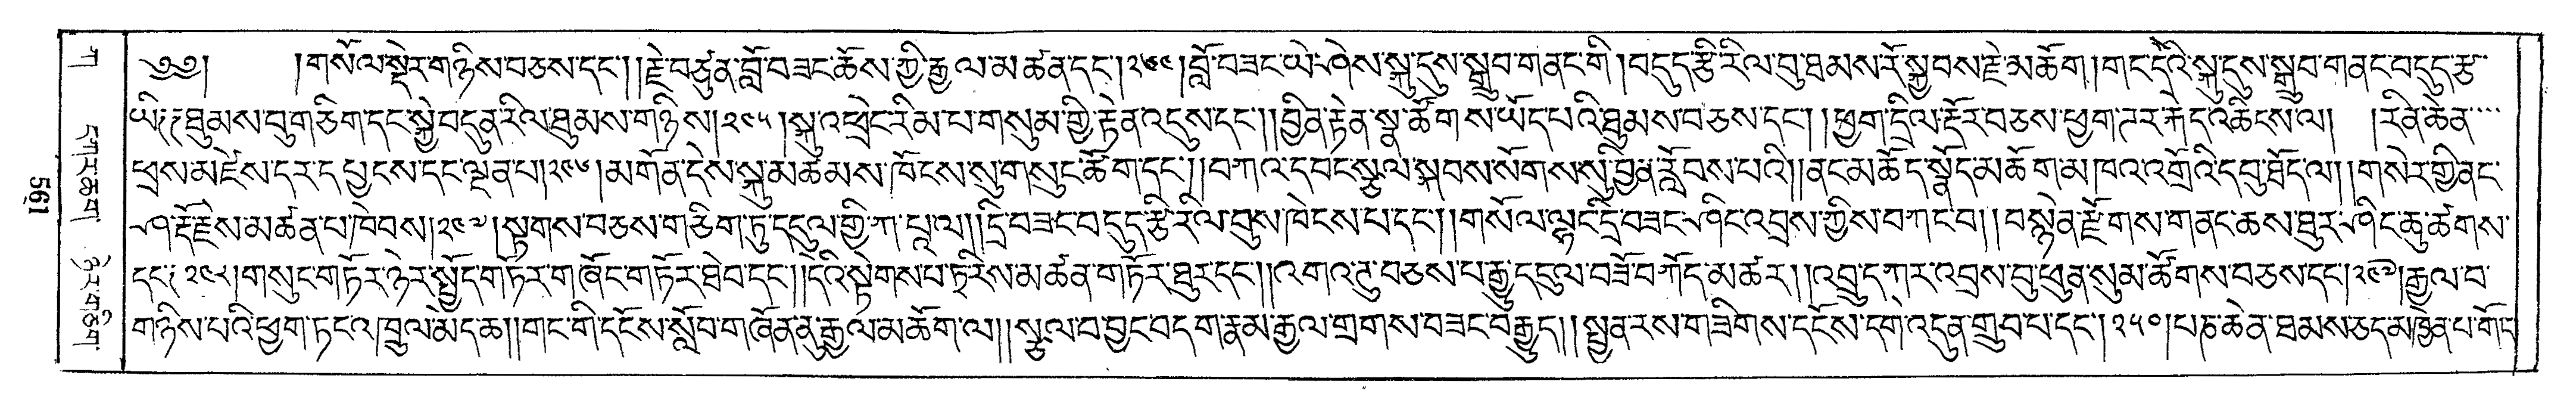༄༅། །གསོལ་སྡེར་གཉིས་བཅས་དང་། །རྗེ་བཙུན་བློ་བཟང་ཆོས་ཀྱི་རྒྱལ་མཚན་དང་། ༢༤༤་།བློ་བཟང་ཡེ་ཤེས་སྐུ་དུས་སྒྲུབ་གནང་གི། བདུད་རྩི་རིལ་བུ་ཐུམས་རེ་སྐྱབས་རྗེ་མཆོག །གང་དེའི་སྐུ་དུས་སྒྲུབ་གནང་བདུད་རྩི་
ཡི༑ ༑ཐུམས་བུ་གཅིག་དང་སྐྱེ་བདུན་རིལ་ཐུམས་གཉིས། ༢༤༥་།སྐུ་འཕྲེང་རིམ་པ་གསུམ་གྱི་རྟེན་འདུས་དང་། །བྱིན་རྟེན་སྣ་ཚིགས་ཡོད་པའི་ཐུམས་བཅས་དང་། །ཕྱག་དྲིལ་རྡོར་བཅས་ཕྱག་ཌཱར་རྐེང་འཆིངས་ལ། །རིན་ཆེན་
ཕྲས་མཛེས་དར་དཔྱངས་དང་ལྡན་པ། ༢༤༦་།མགོན་དེས་སྐུ་མཚམས་ཁོངས་སུ་གསུང་ཆོག་དང་། །བཀའ་དབང་སྩལ་སྐབས་སོགས་སུ་བྱིན་རློབས་པའི། །ནང་མཆོད་སྣོད་མཆོག་མཁའ་འགྲོའི་དབུ་ཐོད་ལ། །གསེར་གྱི་ནང་
ཤ་རྡོ་རྗེས་མཚན་པ་ཁེབས། ༢༤༧་།སྟེགས་བཅས་གཅིག་ཏུ་དངུལ་གྱི་ཀ་པཱ་ལ། །དྲི་བཟང་བདུད་རྩི་རིལ་བུས་ཁེངས་པ་དང་། །གསོལ་ལྷུང་དྲི་བཟང་ཤིང་འབྲས་ཀྱིས་བཀང་བ། །བསྙེན་རྫོགས་གནང་ཆས་ཐུར་ཤིང་ཆུ་ཚགས་
དང་། ༢༤༨་།གསུང་གཏོར་ཉེར་སྤྱད་གཏོར་གཞོང་གཏོར་ཐེབ་དང་། །དེའི་སྟེགས་པ་ཏྲ་རིས་མཚན་གཏོར་ཐུར་དང་། །འགའ་ཊུ་བཅས་བ་རྒྱུ་དངུལ་བཟོ་བཀོད་མཚར། །འབྲུ་དཀར་འབྲས་བུ་ཕུན་སུམ་ཚོགས་བཅས་དང་། ༢༤༧་།རྒྱལ་བ་
གཉིས་པའི་ཕྱག་ཏང་འཁྲུལ་མེད་ཆ། །གང་གི་དངོས་སློབ་གཞོན་ནུ་རྒྱལ་མཆོག་ལ། །སྩལ་བ་བྱང་བདག་རྣམ་རྒྱལ་གྲགས་བཟང་བརྒྱུད། །སྤྱན་རས་གཟིགས་དངོས་དགེ་འདུན་གྲུབ་པ་དང་། ༢༥༠་།པཎ་ཆེན་ཐམས་ཅད་མཁྱེན་པ་གོང་